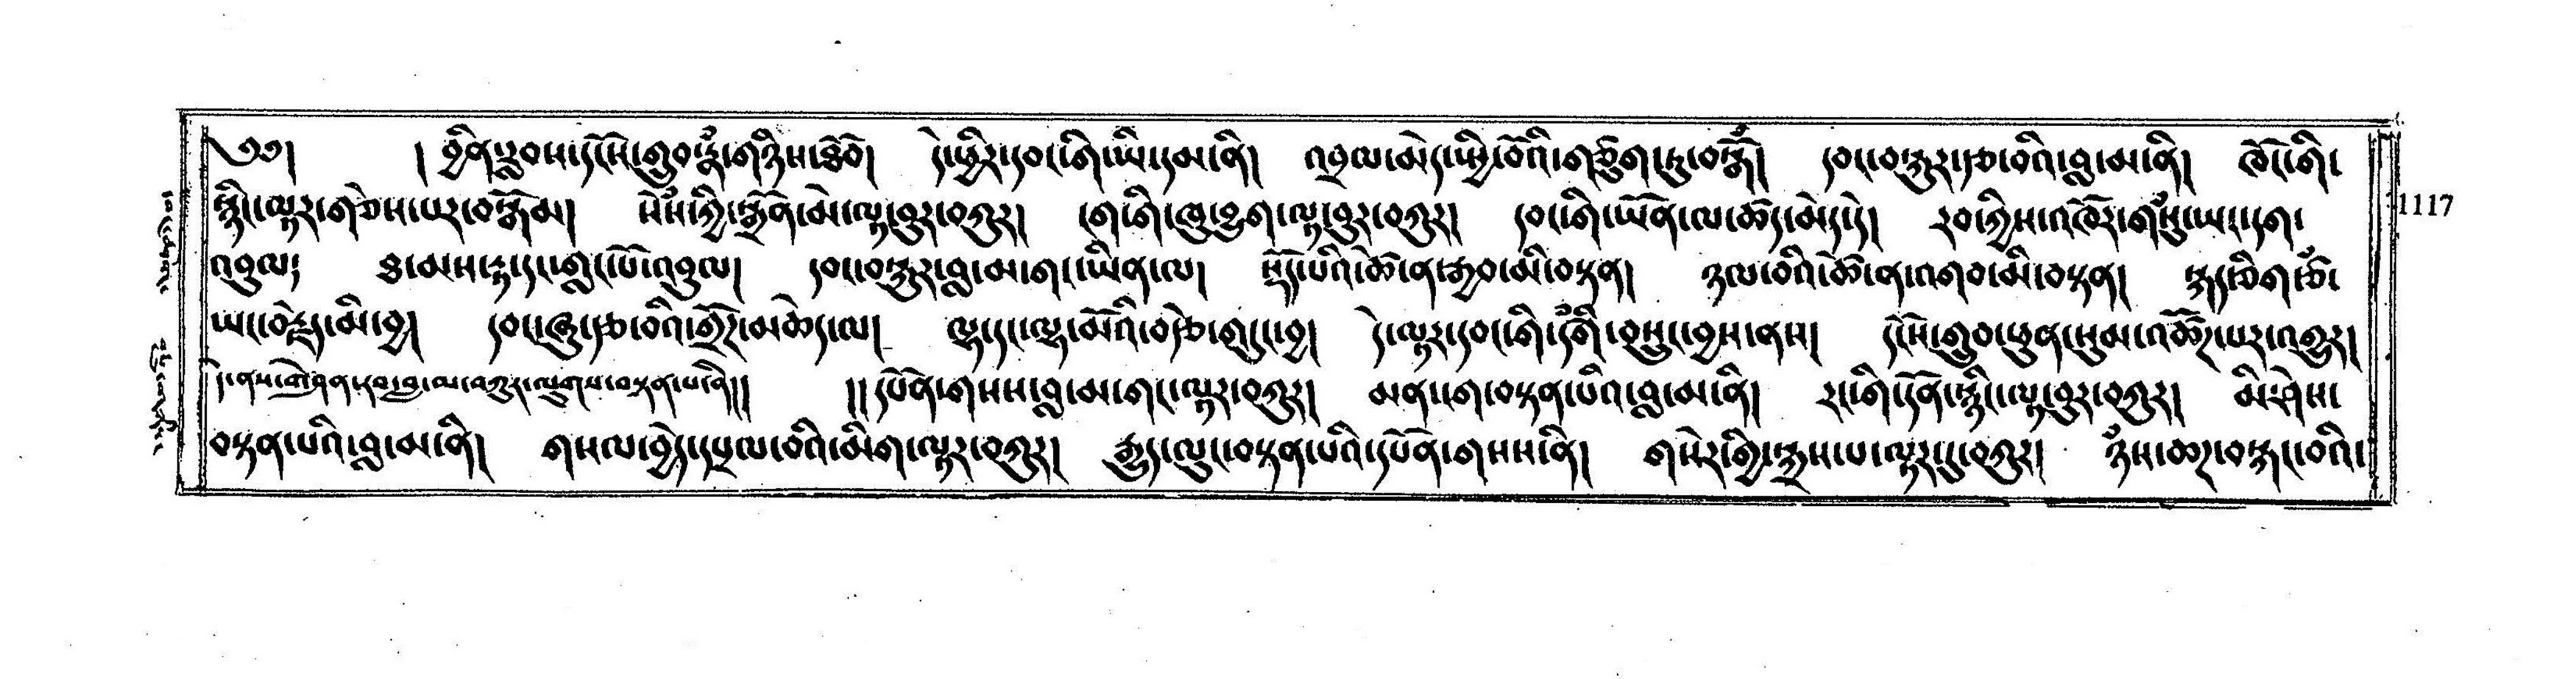བྱིན་རླབས་དངོས་གྲུབ་རྣམ་གཉིས་ཐོབ། དེ་ཕྱིར་དབང་གི་ཡི་དམ་ནི། འབྲལ་མེད་སྤྱི་བོའི་གཙུག་ཏུ་བསྒོམ།། དབང་བསྐུར་རྩ་བའི་བླ་མ་ནི། ཁོང་གི་
སྙིང་ལྟར་གཅེས་པར་བསྒོམ། སེམས་ཀྱི་སྒྲོན་མེ་ལྟ་བུར་བཀུར། ངག་གི་ཁུ་བྱུག་ལྟ་བུར་བཀུར། དབང་གི་ཡོན་ལ་ཚད་མེད་དེ། རབ་ཀྱིས་འཁོར་གསུམ་ཡང་དག་
འབུལ། ཐ་མས་རྟ་དང་གླང་པོ་འབུལ། དབང་བསྐུར་བླ་མ་གང་ཡིན་ལ། སྡོད་པའི་ཚེ་ན་རྒྱབ་མི་བསྟན། ཉལ་བའི་ཚེ་ན་འགབ་མི་བསྟན། སྐད་ཅིག་ཙམ་
ཡང་བརྗེད་མི་བྱ། དབང་ཞུ་རྩ་བའི་གྲོགས་མཆེད་ལ། ལྷ་དང་ལྷ་མོའི་བརྩེ་གདུང་བྱ། དེ་ལྟར་དབང་གི་དམ་ཚིག་བསྲུང་བྱས་ནས། དངོས་གྲུབ་ཕུན་སུམ་འཚོགས་པར་འགྱུར། 
དེ་ནས་གཤེན་རབ་བླ་མ་བཀུར་ལུགས་{1138}བསྟན་པ་ནི།། །།དཔོན་གསས་བླ་མ་གང་ལྟར་བཀུར།། མན་ངག་བསྟན་པའི་བླ་མ་ནི། རང་གི་དོན་སྙིང་ལྟ་བུར་བཀུར། མི་ཤེས་
བསྟན་པའི་བླ་མ་ནི། གསལ་བྱེད་དཔྲལ་བའི་མིག་ལྟར་བཀུར། རྒྱུད་ལུང་བསྟན་པའི་དཔོན་གསས་ནི། གསེར་གྱི་སྐྲས་པ་ལྟར་དུ་བཀུར། ཉམས་ཆགས་བསྐང་བའི་